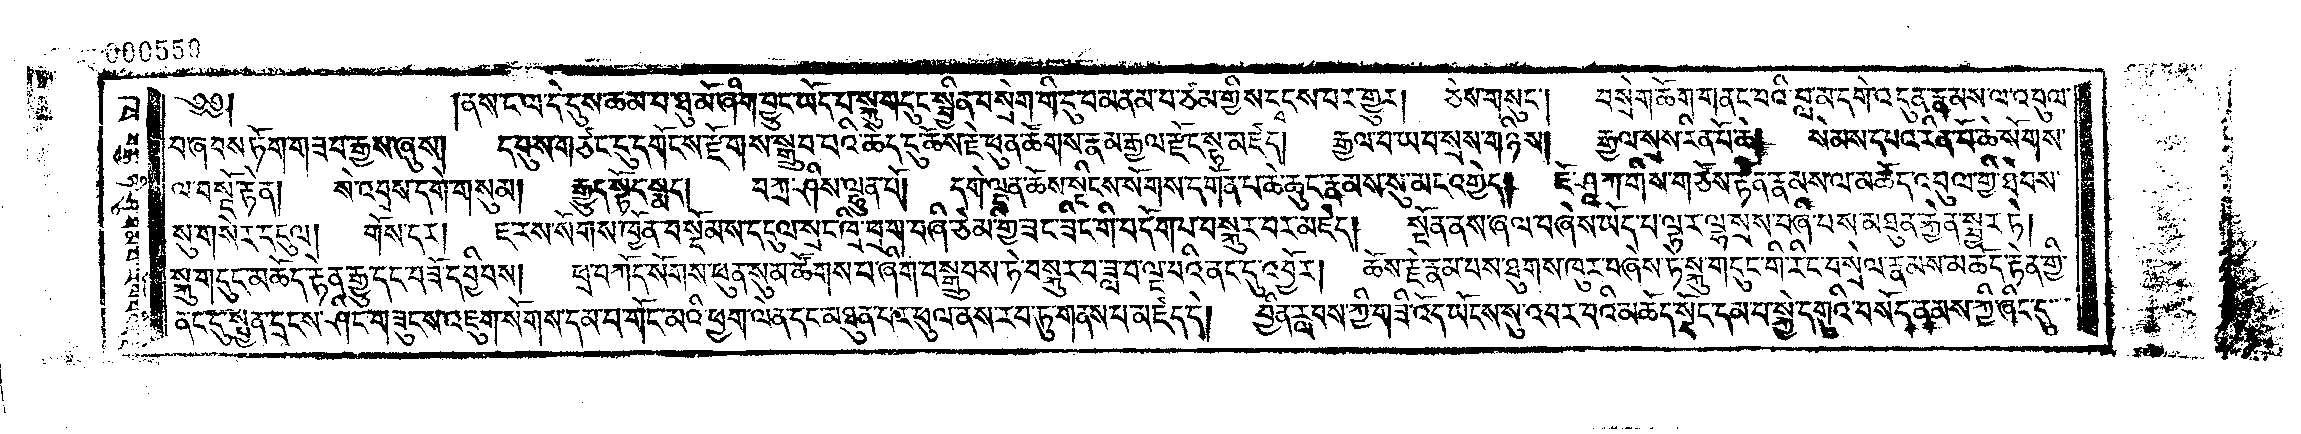༄༅། །ནས་ང་ལ་དེ་དུས་ཆམ་པ་ཐུ་མོ་ཞིག་བྱུང་ཡོད་པ་སྐུ་གདུང་སྦྱིན་བསྲེག་གི་དུ་བ་མ་ནམ་པ་ཙམ་གྱིས་དྭངས་པར་གྱུར། ཅེས་གསུང་། བསྲེག་ཆོག་གནང་བའི་བླ་མ་དགེ་འདུན་རྣམས་ལ་འབུལ་
བ་ཞབས་ཏོག་གཟབ་རྒྱས་ཞུས། དབུས་གཙང་དུ་དགོངས་རྫོགས་སྒྲུབ་པའི་ཆེད་དུ་ཆོས་རྗེ་ཕུན་ཚོགས་རྣམ་རྒྱལ་རྫོང་སྟ་མཛད། རྒྱལ་བ་ཡབ་སྲས་གཉིས། རྒྱལ་སྲས་རིན་པོ་ཆེ། སེམས་དཔའ་རིན་པོ་ཆེ་སོགས་
ལ་བསྔོ་རྟེན། སེ་འབྲས་དགེ་གསུམ། རྒྱུད་སྟོང་སྨད། བཀྲ་ཤིས་ལྷུན་པོ། དགེ་ལྡན་ཆོས་སྡིངས་སོགས་དགོན་པ་ཆེ་ཆུང་རྣམས་སུ་མང་འགྱེད། ཇོ་ཤཱཀ་གིས་གཙོས་རྟེན་རྣམས་ལ་མཆོད་འབུལ་གྱི་ཐེབས་
སུ་གསེར་དངུལ། གོས་དར། ཇ་རས་སོགས་ཁྱོན་བསྔོམས་དངུལ་སྲང་ཁྲི་ཕྲག་བཞི་ཙམ་གྱི་ཟང་ཟིང་གི་བདོག་པ་བསྐུར་བར་མཛད། སྔོན་ནས་ཞལ་བཞེས་ཡོད་པ་ལྟར་ལྷ་སྲས་བཞི་པས་མཐུན་རྐྱེན་སྦྱར་ཏེ།
སྐུ་གདུང་མཆོད་རྟེན་རྒྱུ་དང་བཟོ་དབྱིབས། ཕྲ་བཀོད་སོགས་ཕུན་སུམ་ཚོགས་པ་ཞིག་བསྒྲུབས་ཏེ་བསྐུར་བ་ཟླ་བ་ལྔ་པའི་ནང་དུ་འབྱོར། ཆོས་རྗེ་རྣམ་པས་ཐུགས་ཁུར་བཞེས་ཏེ་སྐུ་གདུང་གི་རིང་བསྲེལ་རྣམས་མཆོད་རྟེན་གྱི་
ནང་དུ་སྤྱན་དྲངས་ཤིང་གཟུངས་འཇུག་སོགས་དམ་པ་གོང་མའི་ཕྱག་ལེན་དང་མཐུན་པར་ཕུལ་ནས་རབ་ཏུ་གནས་པ་མཛད་དེ། བྱིན་རླབས་ཀྱི་གཟི་འོད་ཡོངས་སུ་འབར་བའི་མཆོད་སྡོང་དམ་པ་སྐྱེ་དགུའི་བསོད་ནམས་ཀྱི་ཞིང་དུ་